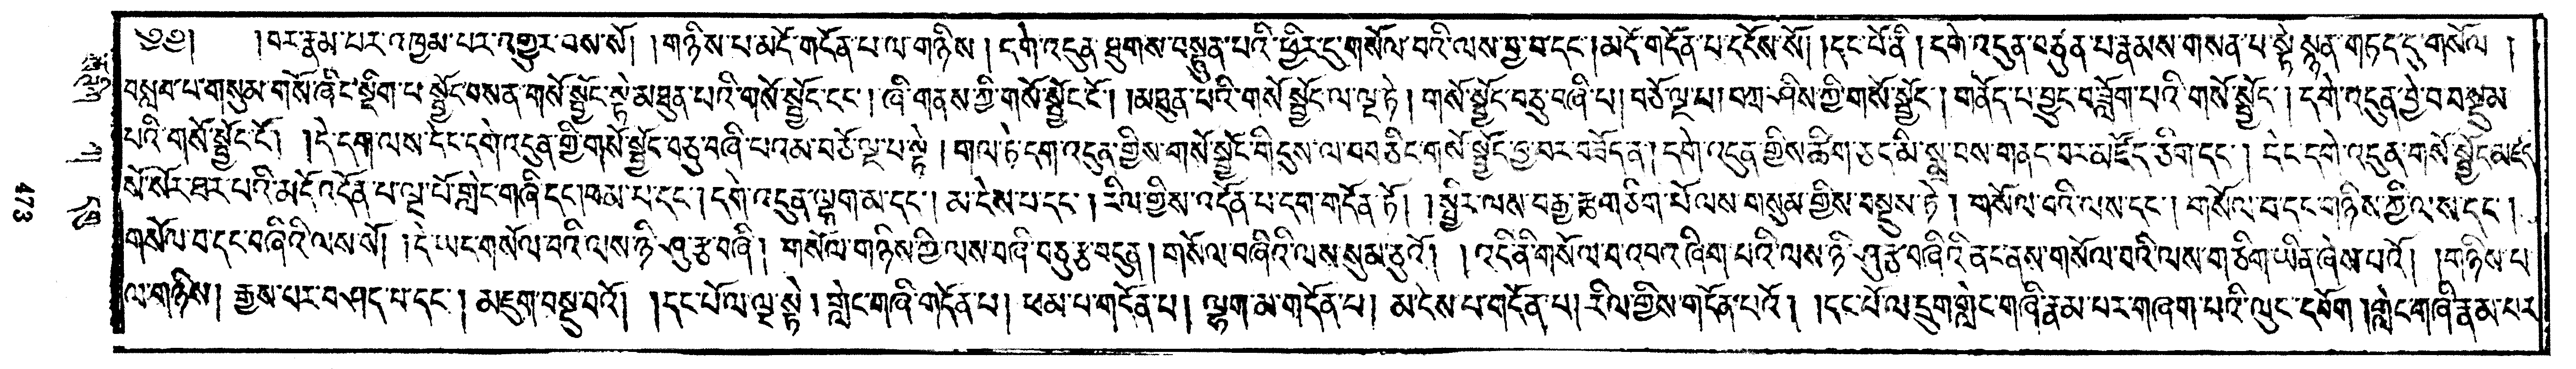༄༅། །བར་རྣམ་པར་འཁྱམ་པར་འགྱུར་བས་སོ། །གཉིས་པ་མདོ་གདོན་པ་ལ་གཉིས། དགེ་འདུན་ཐུགས་བསྟུན་པའི་ཕྱིར་དུ་གསོལ་བའི་ལས་བྱ་བ་དང་། མདོ་གདོན་པ་དངོས་སོ། །དང་པོ་ནི་།དགེ་འདུན་བཙུན་པ་རྣམས་གསན་པ་སྟེ་སྙན་གཏད་དུ་གསོལ་།
བསླབ་པ་གསུམ་གསོ་ཞིང་སྡིག་པ་སྦྱོང་བས་ན་གསོ་སྦྱོང་སྟེ་མཐུན་པའི་གསོ་སྦྱོང་དང་། ཞི་གནས་ཀྱི་གསོ་སྦྱོང་ངོ། །མཐུན་པའི་གསོ་སྦྱོང་ལ་ལྔ་ཏེ། གསོ་སྦྱོང་བཅུ་བཞི་པ། བཅོ་ལྔ་པ། བཀྲ་ཤིས་ཀྱི་གསོ་སྦྱོང་། གནོད་པ་བྱུང་བ་ཟློག་པའི་གསོ་སྦྱོང་། དགེ་འདུན་བྱེ་བ་བསྡུམ་
པའི་གསོ་སྦྱོང་ངོ། །དེ་དག་ལས་དེང་དགེ་འདུན་གྱི་གསོ་སྦྱོང་བཅུ་བཞི་པའམ་བཅོ་ལྔ་པ་སྟེ། གལ་ཏེ་དག་འདུན་གྱིས་གསོ་སྦྱོང་གི་དུས་ལ་བབ་ཅིང་གསོ་སྦྱོང་བྱ་བར་བཟོད་ན། དགེ་འདུན་གྱིས་ཚིག་ཅད་མི་སྨྲ་བས་གནང་བར་མཛོད་ཅིག་དང་། དེང་དགེ་འདུན་གསོ་སྦྱོང་མཛད་
སོ་སོར་ཐར་པའི་མདོ་འདོན་པ་ལྔ་པོ་གླེང་གཞི་དང་།ཕམ་པ་དང་། དགེ་འདུན་ལྷག་མ་དང་། མ་ངེས་པ་དང་། རིལ་གྱིས་འདོན་པ་དག་གདོན་ཏོ། །སྤྱིར་ལས་བརྒྱ་རྩ་གཅིག་པོ་ལས་གསུམ་གྱིས་བསྡུས་ཏེ། གསོལ་བའི་ལས་དང་། གསོལ་བ་དང་གཉིས་ཀྱི་ལས་དང་།
གསོལ་བ་དང་བཞིའི་ལས་སོ། །དེ་ཡང་གསོལ་བའི་ལས་ཉི་ཤུ་རྩ་བཞི། གསོལ་གཉིས་ཀྱི་ལས་བཞི་བཅུ་རྩ་བདུན། གསོལ་བཞིའི་ལས་སུམ་ཅུའོ། །འདི་ནི་གསོལ་བ་འབའ་ཞིག་པའི་ལས་ཉི་ཤུ་རྩ་བཞིའི་ནང་ནས་གསོལ་བའི་ལས་གཅིག་ཡིན་ཞེས་པའོ། །གཉིས་པ་
ལ་གཉིས། རྒྱས་པར་བཤད་པ་དང་། མཇུག་བསྡུ་བའོ། །དང་པོ་ལ་ལྔ་སྟེ། གླེང་གཞི་གདོན་པ། ཕམ་པ་གདོན་པ། ལྷག་མ་གདོན་པ། མ་ངེས་པ་གདོན་པ། རིལ་གྱིས་གདོན་པའོ། །དང་པོ་ལ་དྲུག་གླེང་གཞི་རྣམ་པར་གཞག་པའི་ལུང་དབོག །གླེང་གཞི་རྣམ་པར་